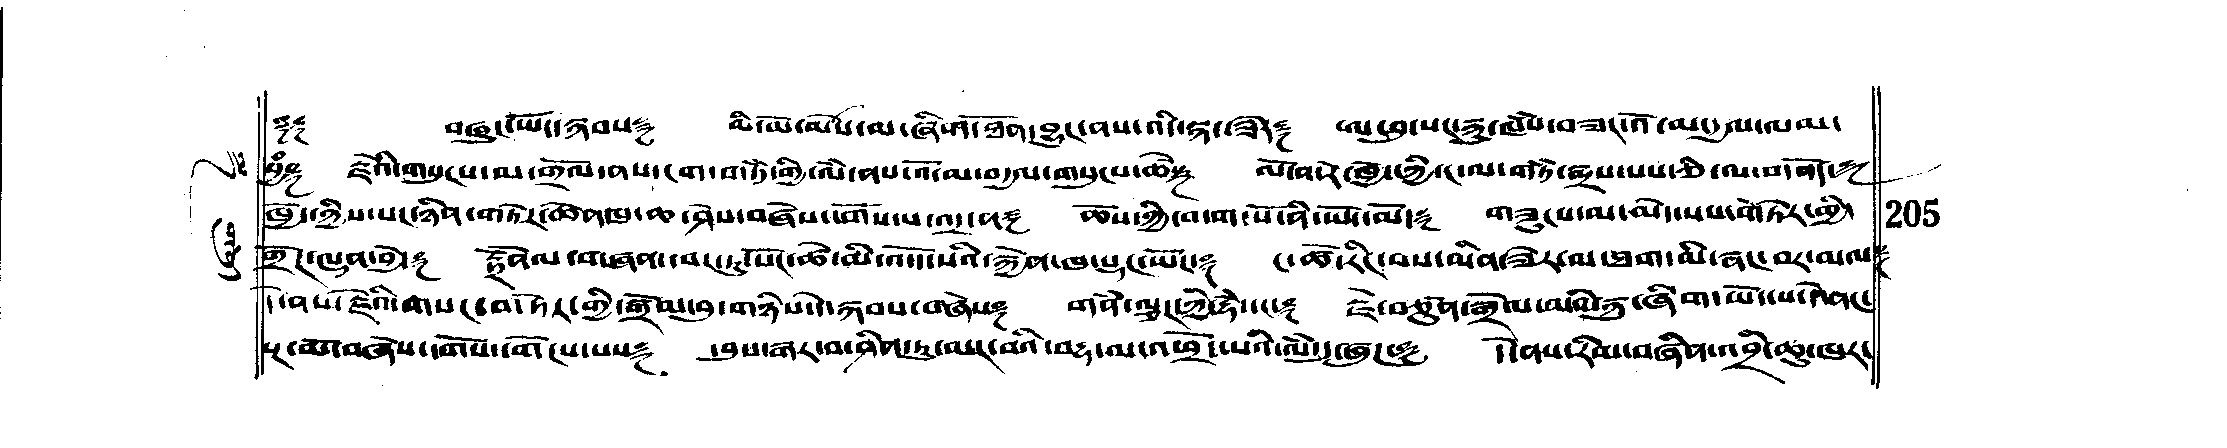བཞུགས་ཡོད་སྐབས། མི་མོ་མཛེས་མ་ཞིག་ཐོན་བྱུང་ནས་འདི་སྐད་ཟེར། ཨ་བུ་སང་སྐུ་ཁམས་བཟང་འོ་མ་རྒྱལ་ལམ་
གསུངས། རྗེའི་གསུངས་མ་གྲོལ་ནས་ངག་གཏམ་གྱི་ལམ་ནས་འོ་མ་རྒྱལ་གསུངས་ཚེ། མོ་ན་རེ་ཁྱེད་ཀྱི་ང་ལ་གཏམ་སྨྲས་པས་ཅི་ལ་གནོད། 
ཁྱོད་ཀྱིས་སང་ཉིན་གཏེར་ཆེན་ཁ་ཆ་ཤས་བཞེས་དགོས་པ་འདྲ་ན། ཆོས་ཀྱི་བདག་པོ་ནི་ཡོད་མོད། གཟུངས་མ་མེད་པས་གཏེར་གྱི་
གྲོགས་ལྡན་བྱེད། རྟེན་འབྲེལ་གཞན་དབང་དུ་སོང་ཚེ་མི་འདོད་པའི་རྐྱེན་ཁ་སྡང་ཡོང་། ང་ཚོ་རིང་བས་མིན་ཟེར་མ་ཐག་མི་སྣང་བར་ཡལ། 
དེ་ནས་རྗེའི་གསང་གཏེར་གྱི་སྒྲོམ་བུ་གཉིས་དེ་སྐབས་བཞེས། གནམ་ལྕགས་ཀྱི་རྡོ་རྗེ་དང་། རྗེ་བཙུན་སྒྲོལ་མའི་སྐུ་ཞིག་ཡོད་པ་དེ་ནངས་
སྔ་མོ་བཞེས་དགོས་དགོངས་པས། དབུས་སྒར་བ་ཤིན་ཏུ་མང་བའི་བརྡ་ལ་འཕྲོད་པའི་ལམ་དུ་ཞུགས། དེ་ནས་རིམ་བཞིན་འབྲི་ཆུ་ཁར་